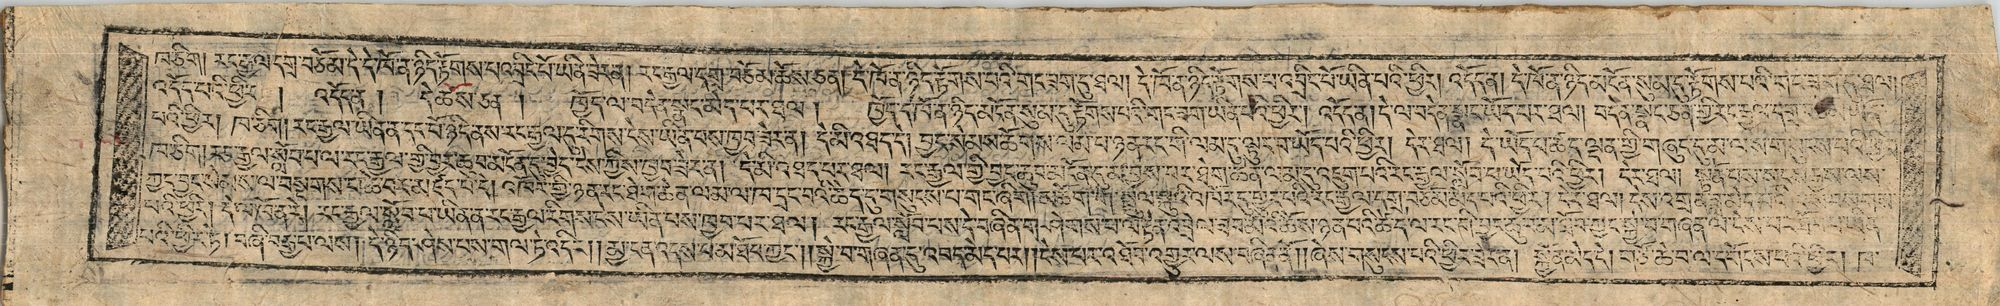ཁ་ཅིག །རང་རྒྱལ་དགྲ་བཅོམ་དེ་དེ་ཁོ་ན་ཉིད་རྟོགས་པ་འབྲིང་པོ་ཡིན་ཟེར་ན། རང་རྒྱལ་དགྲ་བཅོམ་ཆོས་ཅན། དེ་ཁོ་ན་ཉིད་རྟོགས་པའི་གང་ཟག་དུ་ཐལ། དེ་ཁོ་ན་ཉིད་རྟོགས་པ་འབྲིང་པོ་ཡིན་པའི་ཕྱིར། འདོད་ན། དེ་ཁོ་ན་ཉིད་མངོན་སུམ་དུ་རྟོགས་པའི་གང་ཟག་དུ་ཐལ།
འདོད་པའི་ཕྱིར། འདོད་ན། དེ་ཆོས་ཅན། ཁྱོད་ལ་བདེན་སྣང་མེད་པར་ཐལ། ཁྱོད་དེ་ཁོ་ན་ཉིད་མངོན་སུམ་དུ་རྟོགས་པའི་གང་ཟག་ཡིན་པའི་ཕྱིར། འདོད་ན། དེ་ལ་བདེན་སྣང་ཡོད་པར་ཐལ། བདེན་སྣང་ཅན་གྱི་རང་རྒྱལ་དགྲ་བཅོམ་ཡོད་
པའི་ཕྱིར། ཁ་ཅིག །རང་རྒྱལ་ཡིན་ན་དང་པོ་ཉིད་ནས་རང་རྒྱལ་དུ་རིགས་ངེས་ཡིན་པས་ཁྱབ་ཟེར་ན། དེ་མི་འཐད་དེ། བྱང་སེམས་ཚོགས་ལམ་པ་ཉན་རང་གི་ལམ་དུ་ལྟུང་བ་ཡོད་པའི་ཕྱིར། དེར་ཐལ། དེ་ཡོད་པ་ཚད་ལྡན་གྱི་གཞུང་དུ་མ་ལས་གསུངས་པའི་ཕྱིར།
ཁ་ཅིག །རང་རྒྱལ་སློབ་པ་ལ་རང་རྒྱལ་གྱི་བྱང་ཆུབ་མངོན་དུ་བྱེད་ངེས་ཀྱིས་ཁྱབ་ཟེར་ན། དེ་མི་འཐད་པར་ཐལ། རང་རྒྱལ་གྱི་བྱང་ཆུབ་མངོན་དུ་མ་བྱས་པར་ཐེག་ཆེན་ལམ་དུ་འཇུག་པའི་རང་རྒྱལ་སློབ་པ་ཡོད་པའི་ཕྱིར། དེར་ཐལ། སྟོན་པས་སངས་རྒྱས་ལས་
ཀྱང་བྱང་སེམས་ལ་བསྔགས་པ་ཆེ་བར་མཛད་པ་དེ། འཁོར་གྱི་ཉན་རང་ཐེག་ཆེན་ལམ་ལ་ཁ་དྲང་བའི་ཆེད་དུ་གསུངས་པ་གང་ཞིག །མཆོག་གི་སྤྲུལ་སྐུའི་འཁོར་དུ་གྱུར་པའི་རང་རྒྱལ་དགྲ་བཅོམ་མེད་པའི་ཕྱིར། དེར་ཐལ། དེས་འགྲན་ཟླ་མེད་པའི་ལས་བསགས་
པའི་ཕྱིར། དེ་ལ་ཁོ་ན་རེ། རང་རྒྱལ་སློབ་པ་ཡིན་ན་རང་རྒྱལ་རིགས་ངེས་ཡིན་པས་ཁྱབ་པར་ཐལ། རང་རྒྱལ་སློབ་པས་དེ་བཞིན་གཤེགས་པ་ལ་རྟེན་འབྲེལ་ཟབ་མོའི་ཆོས་ཉན་པའི་ཚེ་དེ་ལ་རང་གི་བྱང་ཆུབ་མ་ཐོབ་ཀྱང་སྐྱེ་བ་གཞན་ལ་ངེས་པར་ཐོབ་པ་ཡིན་
པའི་ཕྱིར་ཏེ། བཞི་བརྒྱ་པ་ལས། དེ་ཉིད་ཤེས་པས་གལ་ཏེ་འདིར། །མྱ་ངན་འདས་པ་མ་ཐོབ་ཀྱང་། །སྐྱེ་བ་གཞན་དུ་འབད་མེད་པར། །ངེས་པར་འཐོབ་འགྱུར་ལས་བཞིན་ནོ། །ཞེས་གསུངས་པའི་ཕྱིར་ཟེར་ན། སྐྱོན་མེད་དེ། གཙོ་ཆེ་བ་ལ་དགོངས་པའི་ཕྱིར། ཁ་